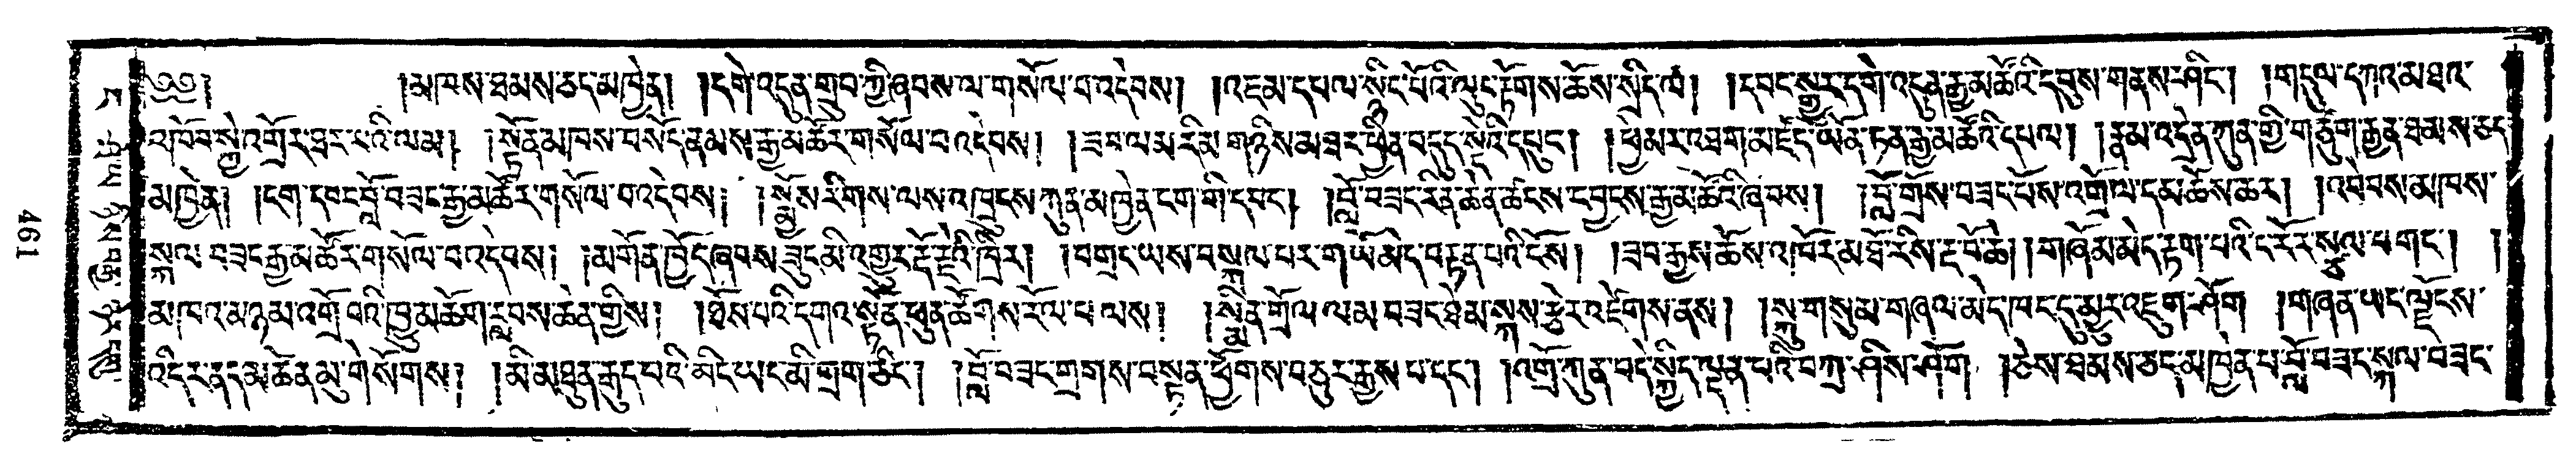༄༅། །མཁས་ཐམས་ཅད་མཁྱེན། །དགེ་འདུན་གྲུབ་ཀྱི་ཞབས་ལ་གསོལ་བ་འདེབས། །འཇམ་དཔལ་སྙིང་པོའི་ལུང་རྟོགས་ཆོས་སྲིད་ལ། །དབང་སྒྱུར་དགེ་འདུན་རྒྱ་མཚོའི་དབུས་གནས་ཤིང་། །གདུལ་དཀའ་མཐའ་
འཁོབ་སྐྱེ་འགྲོར་ཐར་པའི་ལམ། །སྟོན་མཁས་བསོད་ནམས་རྒྱ་མཚོར་གསོལ་བ་འདེབས། །ཟབ་ལམ་རིམ་གཉིས་མཐར་ཕྱིན་བདུད་སྡེའི་དཔུང་། །ཕྱི་མར་འཐག་མཛད་ཡོན་ཏན་རྒྱ་མཚོའི་དཔལ། །རྣམ་འདྲེན་ཀུན་གྱི་གཙུག་རྒྱན་ཐམས་ཅད་
མཁྱེན། །ངག་དབང་བློ་བཟང་རྒྱ་མཚོར་གསོལ་བ་འདེབས། །སྨྱོས་རིགས་ལས་འཁྲུངས་ཀུན་མཁྱེན་ངག་གི་དབང་། །བློ་བཟང་རིན་ཆེན་ཚངས་དབྱངས་རྒྱ་མཚོའི་ཞབས། །བློ་གྲོས་བཟང་པོས་འགྲོ་ལ་དམ་ཆོས་ཆར། །འབེབས་མཁས་
སྐལ་བཟང་རྒྱ་མཚོར་གསོལ་བ་འདེབས། །མགོན་ཁྱོད་ཞབས་ཟུང་མི་འགྱུར་རྡོ་རྗེའི་ཁྲིར། །བགྲང་ཡས་བསྐལ་པར་གཡོ་མེད་བརྟན་པའི་ངོས། །ཟབ་རྒྱས་ཆོས་འཁོར་མཐོ་རིས་རྔ་བོ་ཆེ། །གཞོམ་མེད་རྟག་པའི་ང་རོར་སྩལ་པ་གང་། །
མཁའ་མཉམ་འགྲོ་བའི་ཁྱུ་མཆོག་རླབས་ཆེན་གྱིས། །ཐོས་པའི་དགའ་སྟོན་ཕུན་ཚོགས་རོལ་པ་ལས། །སྨིན་གྲོལ་ལམ་བཟང་ཐེམ་སྐས་རྩེར་འཛེགས་ནས། །སྐུ་གསུམ་གཞལ་མེད་ཁང་དུ་མྱུར་འཇུག་ཤོག །གཞན་ཡང་ལྗོངས་
འདིར་ནད་མཚོན་མུ་གེ་སོགས། །མི་མཐུན་རྒུད་པའི་མིང་ཡང་མི་གྲག་ཅིང་། །བློ་བཟང་གྲགས་བསྟན་ཕྱོགས་བཅུར་རྒྱས་པ་དང་། །འགྲོ་ཀུན་བདེ་སྐྱིད་ལྡན་པའི་བཀྲ་ཤིས་ཤོག །ཅེས་ཐམས་ཅད་མཁྱེན་པ་བློ་བཟང་སྐལ་བཟང་